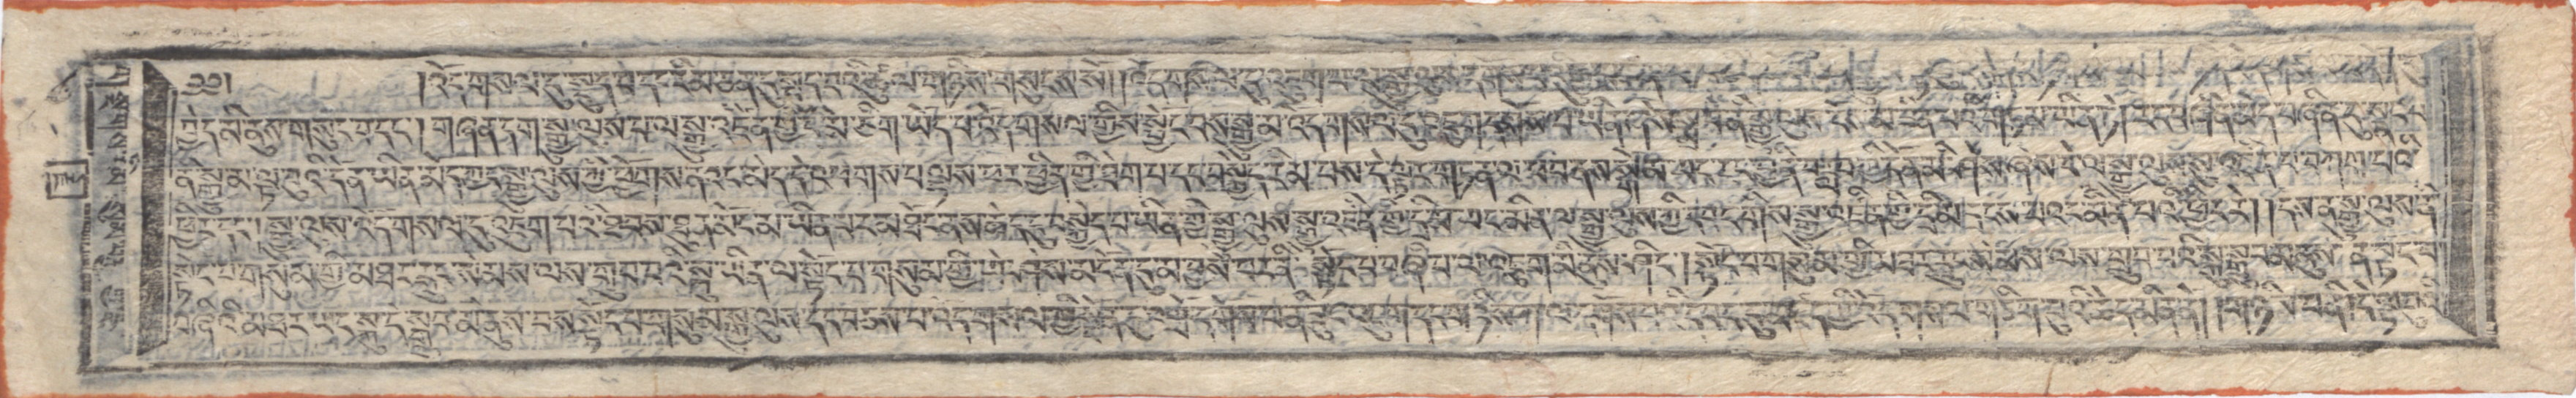༄༅། །འོད་གསལ་དུ་སྡུད་པ་དང་རིམ་ཅན་དུ་སྡུད་པའི་ཚུལ་གཉིས་གསུངས་སོ། །འོད་གསལ་དུ་འཇུག་པ་ལ་སྒྱུ་ལུས་དགོས་པའི་རྒྱུ་མཚན་ལ་ཁ་ཅིག་ཆོས་ཅན་སྒྱུ་མ་ལྟ་བུའི་དོན་མ་རྟོགས་པར་ཆོས་ཉིད་འོད་གསལ་མངོན་དུ་
བྱེད་མི་ནུས་གསུང་བ་དང་། གཞན་དག་སྒྱུ་ལུས་པ་ལ་སྒྱུ་འཛིན་གྱི་དྲི་མ་ཅིག་ཡོད་པ་འོད་གསལ་གྱིས་སྦྱོང་བས་སྒྱུ་མ་འོད་གསལ་དུ་འཇུག་དགོས་པ་ཡིན་ཞེས་སྨྲ་བ་ནི་སྒྱུ་ལུས་ངོས་མ་ཟིན་པའི་གཏམ་ཡིན་ཏེ། རང་བཞིན་མེད་བཞིན་དུ་སྣང་བ་
ནི་སྒྱུ་མ་ལྟ་བུའི་དོན་ཡིན་མོད་ཀྱང་སྒྱུ་ལུས་ཀྱི་ཕྱོགས་ནའང་མེད་དེ་འཕགས་པ་ལྷས་ཕར་ཕྱིན་གྱི་ཐེག་པ་དང་བསྐྱེད་རིམ་པས་དེ་ལྟར་གཏན་ལ་ཕབ་ནས་སྒོམ་ཡང་རང་བྱིན་བརླབ་ཀྱི་དོན་མི་ཤེས་ཞེས་དེ་ལ་སྒྱུ་ལུས་སུ་འཛིན་པ་བཀག་པའི་
ཕྱིར་དང་། སྒྱུ་ལུས་འོད་གསལ་དུ་འཇུག་པའི་ཐབས་ཐུན་མོང་མ་ཡིན་པར་མཐོང་ནས་ཆེད་དུ་བསྐྱེད་པ་ཡིན་གྱི་སྒྱུ་ལུས་སྒྱུ་འཛིན་གྱི་དྲི་མ་ཡང་མིན་ལ་སྒྱུ་ལུས་ཀྱི་དབང་གིས་གྱུར་འཛིན་གྱི་དྲི་མ་དྲངས་པའང་མིན་པའི་ཕྱིར་རོ། །དེས་ན་སྒྱུ་ལུས་ནི་
སྟོང་པ་གསུམ་གྱི་མཐར་རླུང་སེམས་ལས་གྲུབ་པའི་སྐུ་ཡིན་ལ་སྟོང་པ་གསུམ་གྱི་ཡེ་ཤེས་མངོན་དུ་མ་བྱས་བར་ནི་སྟོང་པ་བཞི་པ་ལ་འཇུག་མི་ནུས་ཤིང་། སྟོང་པ་གསུམ་གྱི་མཐར་རླུང་སེམས་ལས་གྲུབ་པའི་སྐུ་སྒྲུབ་མ་ནུས་ན་སྟོང་བ་
བཞིའི་མཐར་ཡང་སྐུ་དེ་སྒྲུབ་མི་ནུས་བས་སྟོང་པ་གསུམ་སྒྱུ་ལུས་དང་བཅས་པ་འདི་གསལ་གྱི་སྔོན་དུ་འགྲོ་དགོས་པ་ནི་ཟུང་འཇུག་དང་གཉིས་ཀ་ལ་དགོས་པའི་དབང་དུ་མཛད་ཀྱི་འོད་གསལ་གཅིག་བུའི་ཆེད་མིན་ནོ། །གཉིས་པ་ནི། དེ་ལྟ་བུའི་